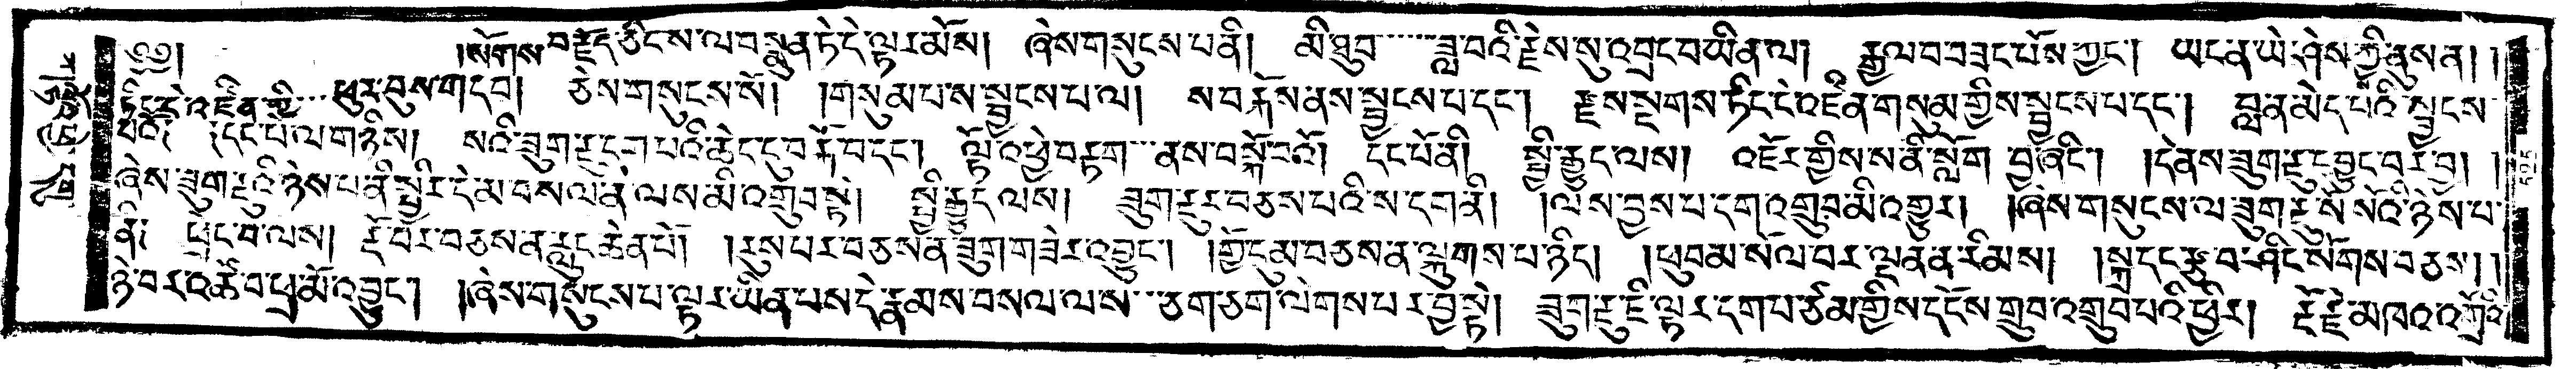༄༅། །སོགས་བརྗོད་ཅིང་ས་ལ་བསྨུན་ཏེ་དེ་ལྟར་མོས། ཞེས་གསུངས་པ་ནི། མི་ཐུབ་ཟླ་བའི་རྗེས་སུ་འབྲང་བ་ཡིན་ལ། རྒྱལ་བ་བཟང་པོས་ཀྱང་། ཡང་ན་ཡེ་ཤེས་ཀྱི་ནུས་ན། །
ཏིང་ངེ་འཛིན་ཀྱི་ཕུར་བུས་གདབ། ཅེས་གསུངས་སོ། །གསུམ་པས་སྦྱངས་པ་ལ། ས་བརྐོས་ནས་སྦྱངས་པ་དང་། རྫས་སྔགས་ཏིང་ངེ་འཛིན་གསུམ་གྱིས་སྦྱངས་པ་དང་། བླ་ན་མེད་པའི་སྦྱངས་ཞེས་ཟུག་རྡུའི་ཉེས་པ་ནི་སྤྱིར་དེ་མ་བསལ་ནི་ལས་མི་འགྲུབ་སྟེ། སྤྱི་རྒྱུད་ལས། ཟུག་རྡུར་བཅས་པའི་ས་དག་ནི། །ལས་བྱས་པ་དག་འགྲུབ་མི་འགྱུར། །ཞེས་གསུངས་ལ་ཟུག་རྡུ་སོ་སོའི་ཉེས་པ་
ནི། ཕྲེང་བ་ལས། རྡོ་བར་བཅས་ན་རླུང་ཆེན་པོ། །རུས་པར་བཅས་ན་ཟུག་གཟེར་འབྱུང་། །གྱོ་དུམ་བཅས་ན་ལྐུགས་པ་ཉིད། །ཕུབ་མ་སོལ་བར་ལྡན་ན་རིམས། །སྐྲ་དང་རྩ་བ་ཤིང་སོགས་བཅས། །
ཉེ་བར་འཚོ་བ་ཕྲ་མོ་འབྱུང་། །ཞེས་གསུངས་པ་ལྟར་ཡིན་པས་དེ་རྣམས་བསལ་ལས་ཅག་ཅག་ལེགས་པར་བྱ་སྟེ། ཟུག་རྡུ་ཇི་ལྟར་དག་པ་ཙམ་གྱིས་དངོས་གྲུབ་འགྲུབ་པའི་ཕྱིར། རྡོ་རྗེ་མཁའ་འགྲོའི་